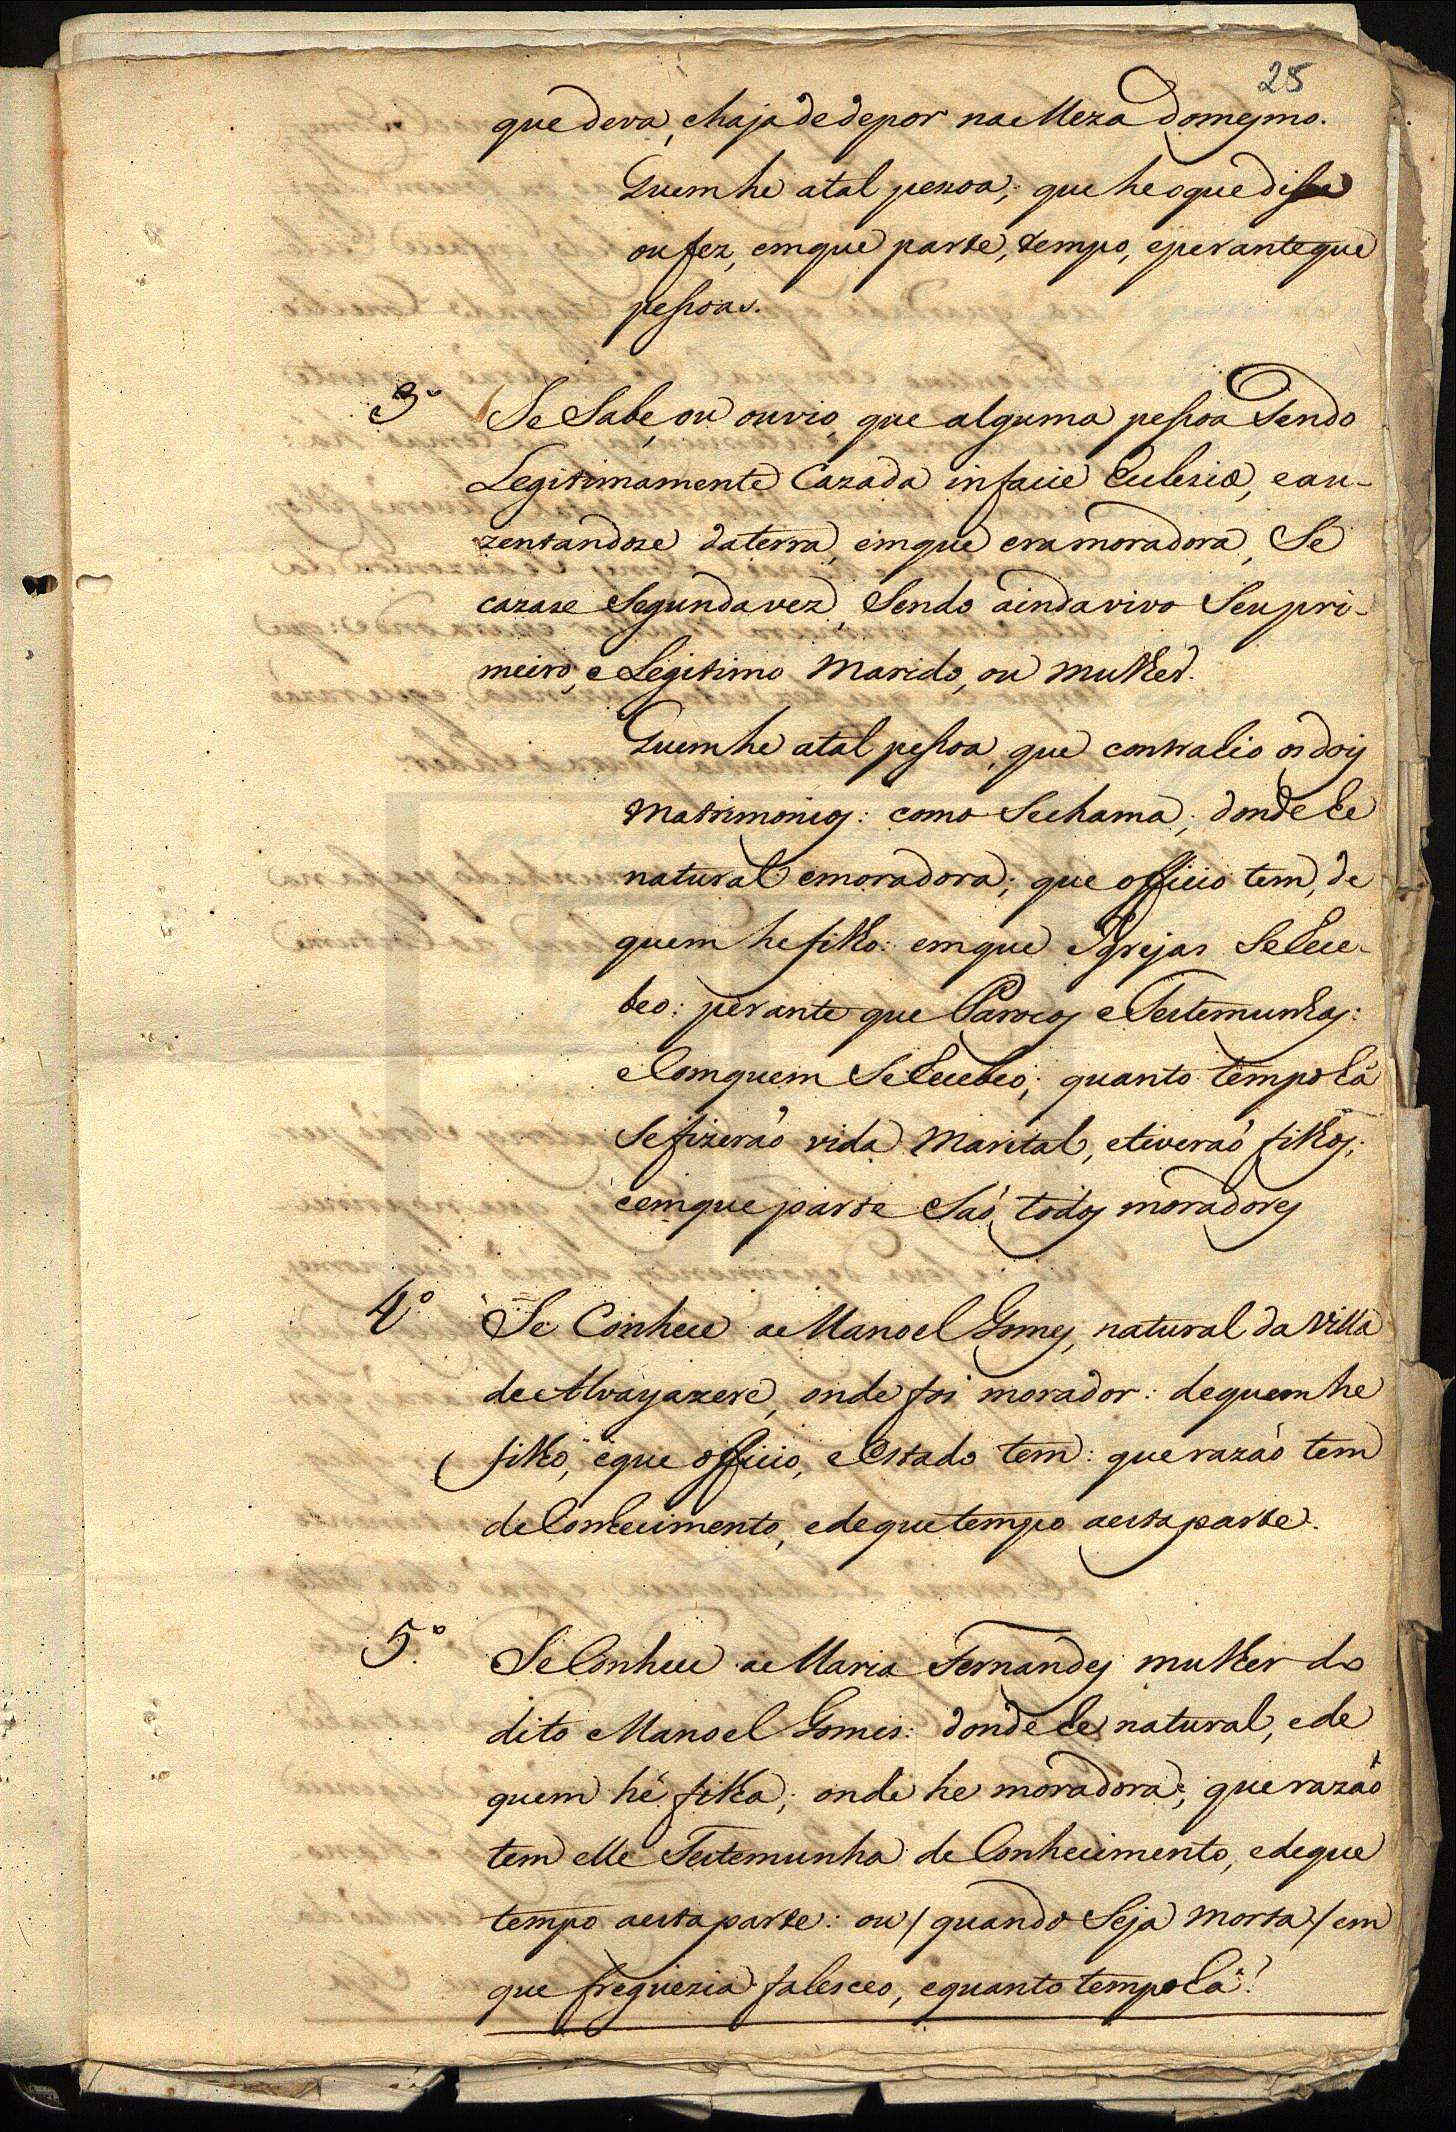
que deva, e haja de depor na Meza do mesmo.
Quem he a tal pessoa; que he o que disse
ou fez, em que parte, tempo, e perante que
pessoas.
3.o Se Sabe ou ouvio, que alguma pessoa sendo
Legitmamente cazada in facie Eccleziæ, e au
zentandose da terra, em que era moradora, se
cazase segunda vez, sendo ainda vivo seu pri
meiro, e Legitimo marido, ou mulher.
Quem he a tal pessoa, que contrahio os dois
matrimonios: como se chama, donde he
natural e moradora; que officio tem, de
quem he filho: em que Igrejas se Rece
beo: perante que Parocos e Testemunhas:
e Com quem se Recebeo; quanto tempo há
se fizeraõ vida marital, e tiveraõ filhos;
e em que parte Saõ todos moradores
4.o Se Conhece a Manoel Gomes, natural da Villa
de Alvayazere, onde foi morador: de quem he
filho, e que officio, e Estado tem: que razaõ tem
de Conhecimento, e de que tempo a esta parte.
5.o Se Conhece a Maria Fernandes mulher do
dito Manoel Gomes: donde he natural, e de
quem hé filha; onde he moradora, que razaõ
tem elle Testemunha de Conhecimento, e de que
tempo a esta parte: ou/quando Seja morta/ em
que freguezia falesceo, e quanto tempo há?
